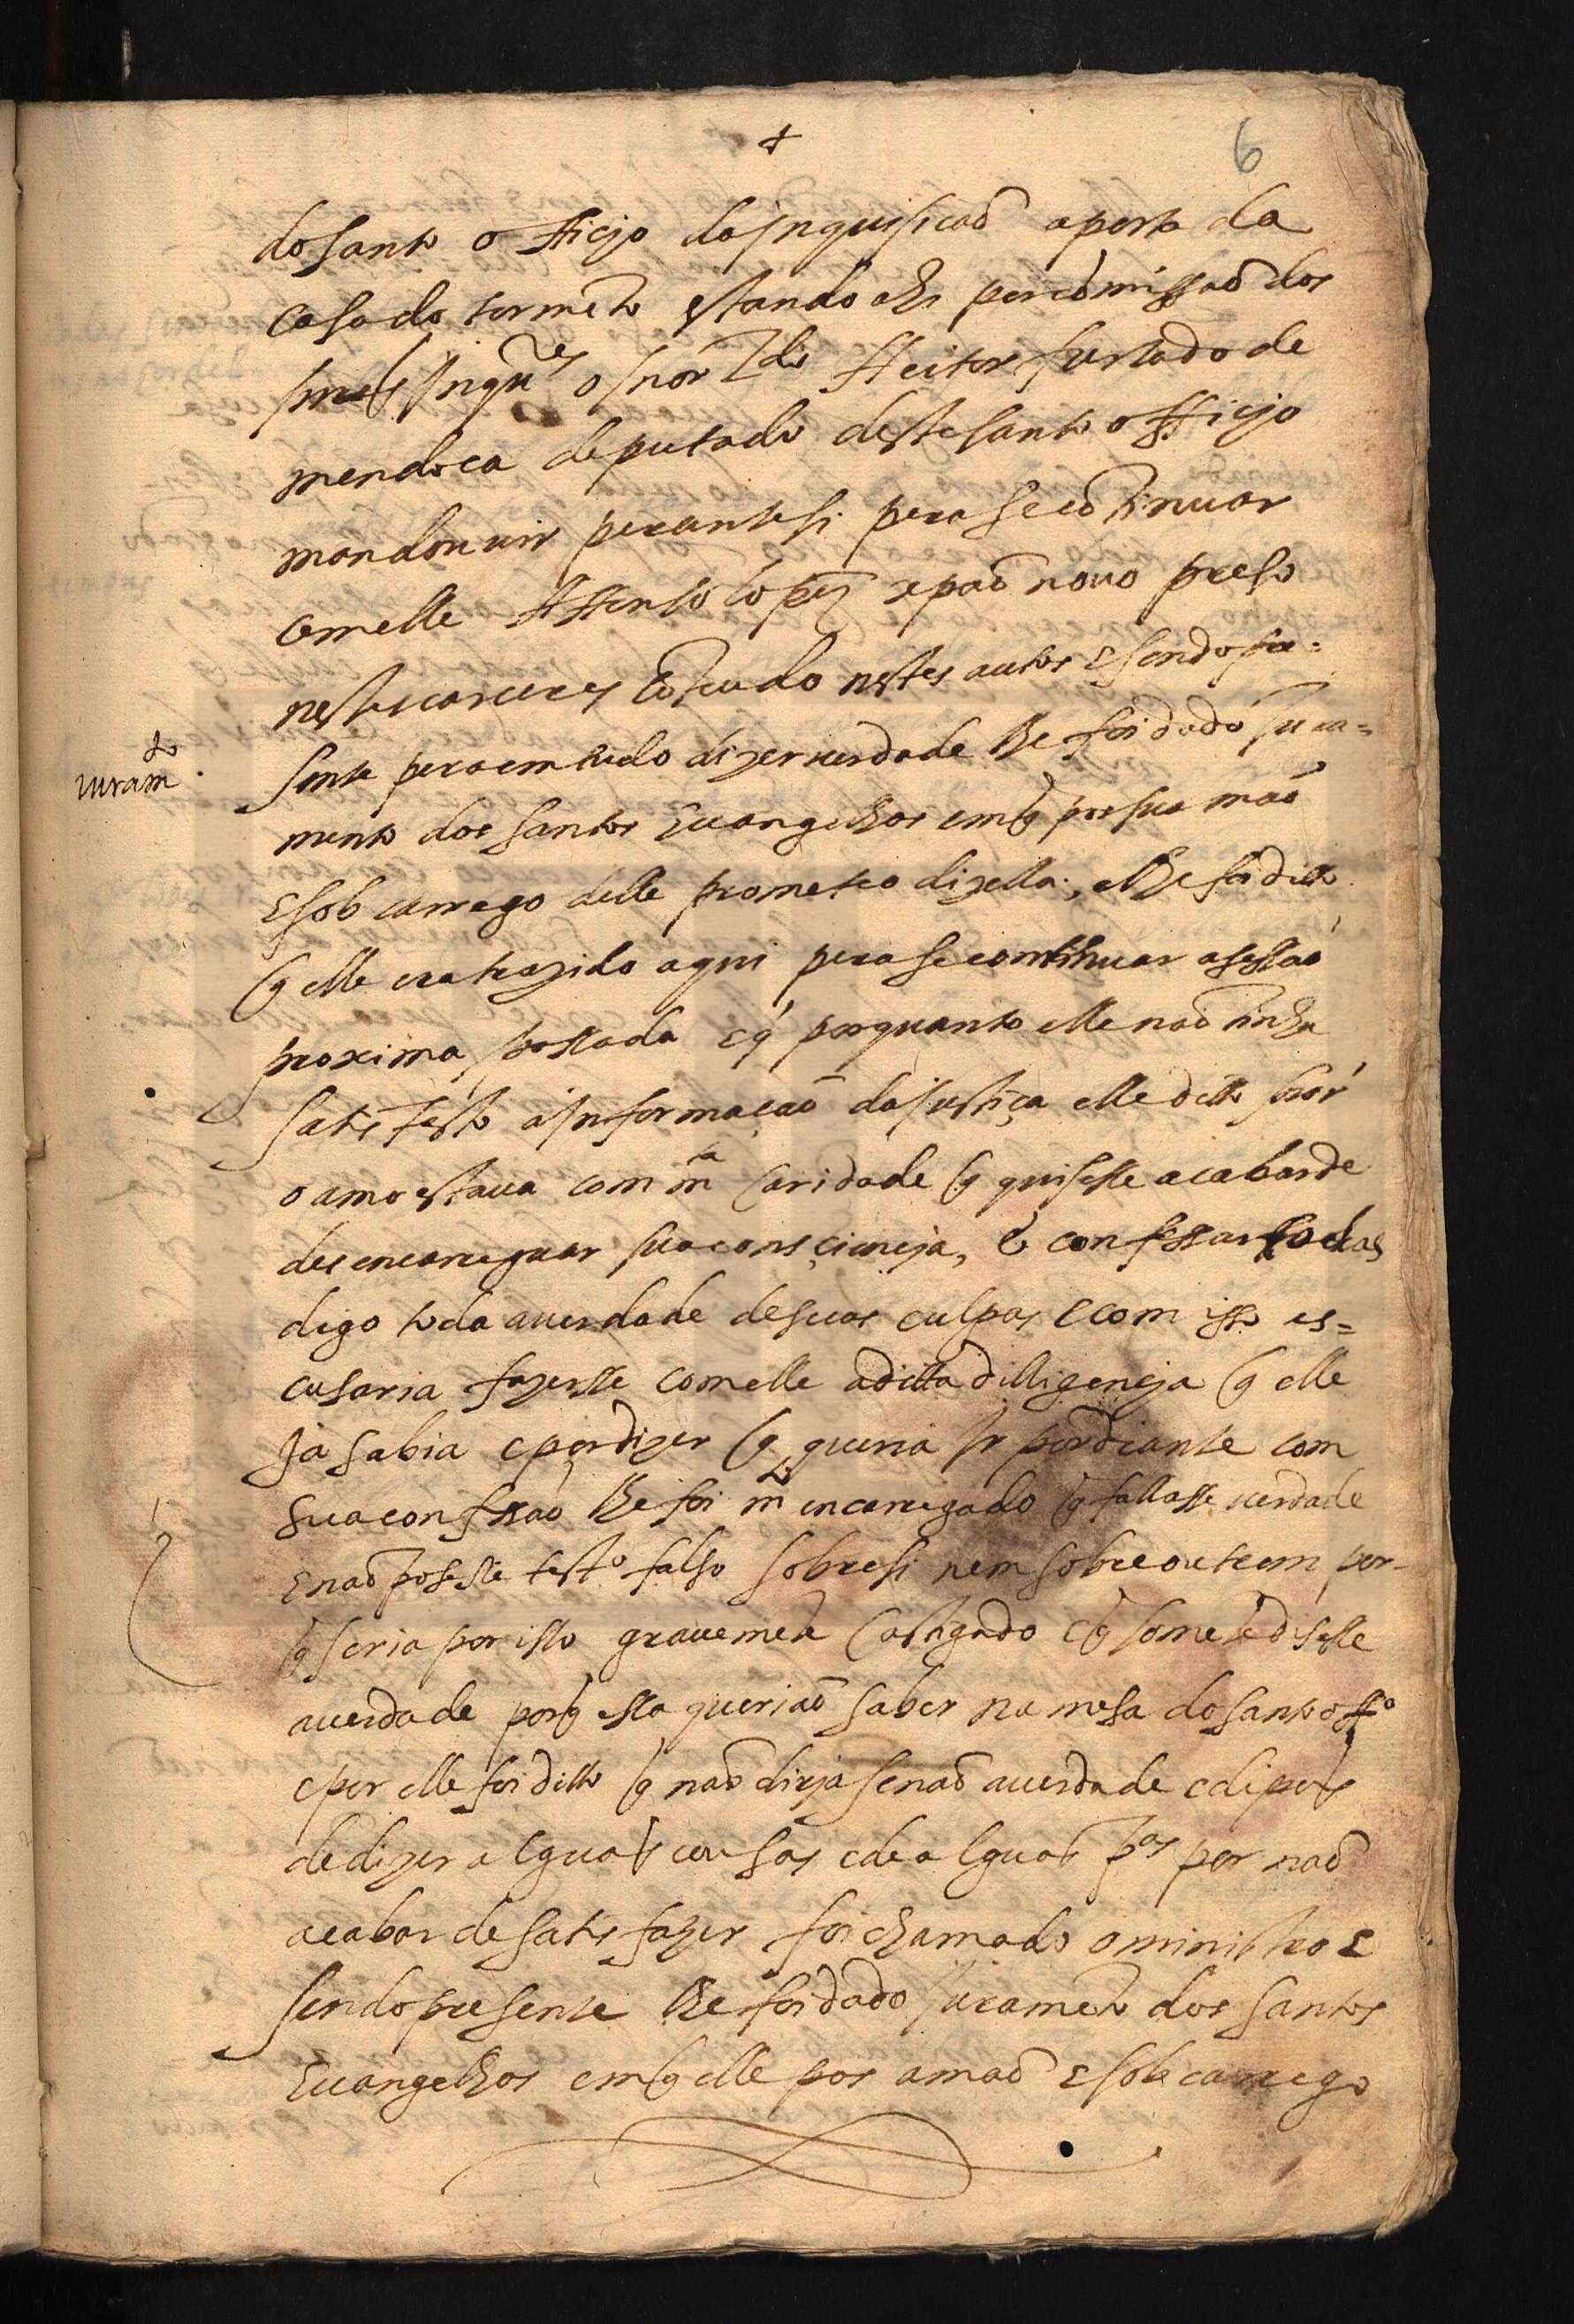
do Santo officio da jnquisição a porta da
casa do tormēto estando ahi per cōmissaõ dos
Snres Jnqures o Snor Ldo Heitor furtado de
mendoca deputado deste santo officjo
mandou uir perante si pera se cōtinuar
com elle Affonso lopēz xpaõ nouo preso
nestes carceres cōteudo nestes autos E sendo pre
sente pera em tudo dizer uerdade lhe foi dado Jura
mento dos Santos Euangelhos em q̄ pos sua maõ
E sob carrego delle prometeo dizella; e lhe foi ditto
q̄ elle era trazido aqui pera se continuar a sessaõ
proxima passada E q̄ porquanto elle nõ tinha
Satisfecto a Jnformação da Justiça elle ditto Snor̄
o amoestaua com mta Caridade q̄ quisesse acabar de
desencarreguar sua consçiencja, E confessar todas
digo toda a uerdade de suas culpas e com isso es
cusaria fazersse com elle a ditta dilligencia q̄ elle
Ja sabia e por dizer q̄ queria Jr por diante com
sua confissaõ lhe foi mto encarregado q̄ falasse uerdade
E não posesse testo falso sobre si nem sobre outrem por
q̄ seria por isso grauemēte Castigado E q̄ somete disesse
a uerdade porq̄ essa queriaõ saber na mesa do santo offo
e per elle foi ditto q̄ naõ diria senaõ a uerdade e dipois
de dizer alguas cousas e de alguas pas por naõ
acabar de satisfazer foi chamado o ministro E
Sendo presente lhe foi dado Juramēto dos Santos
Euangelhos em q̄ elle pos a maõ E sob carrego
